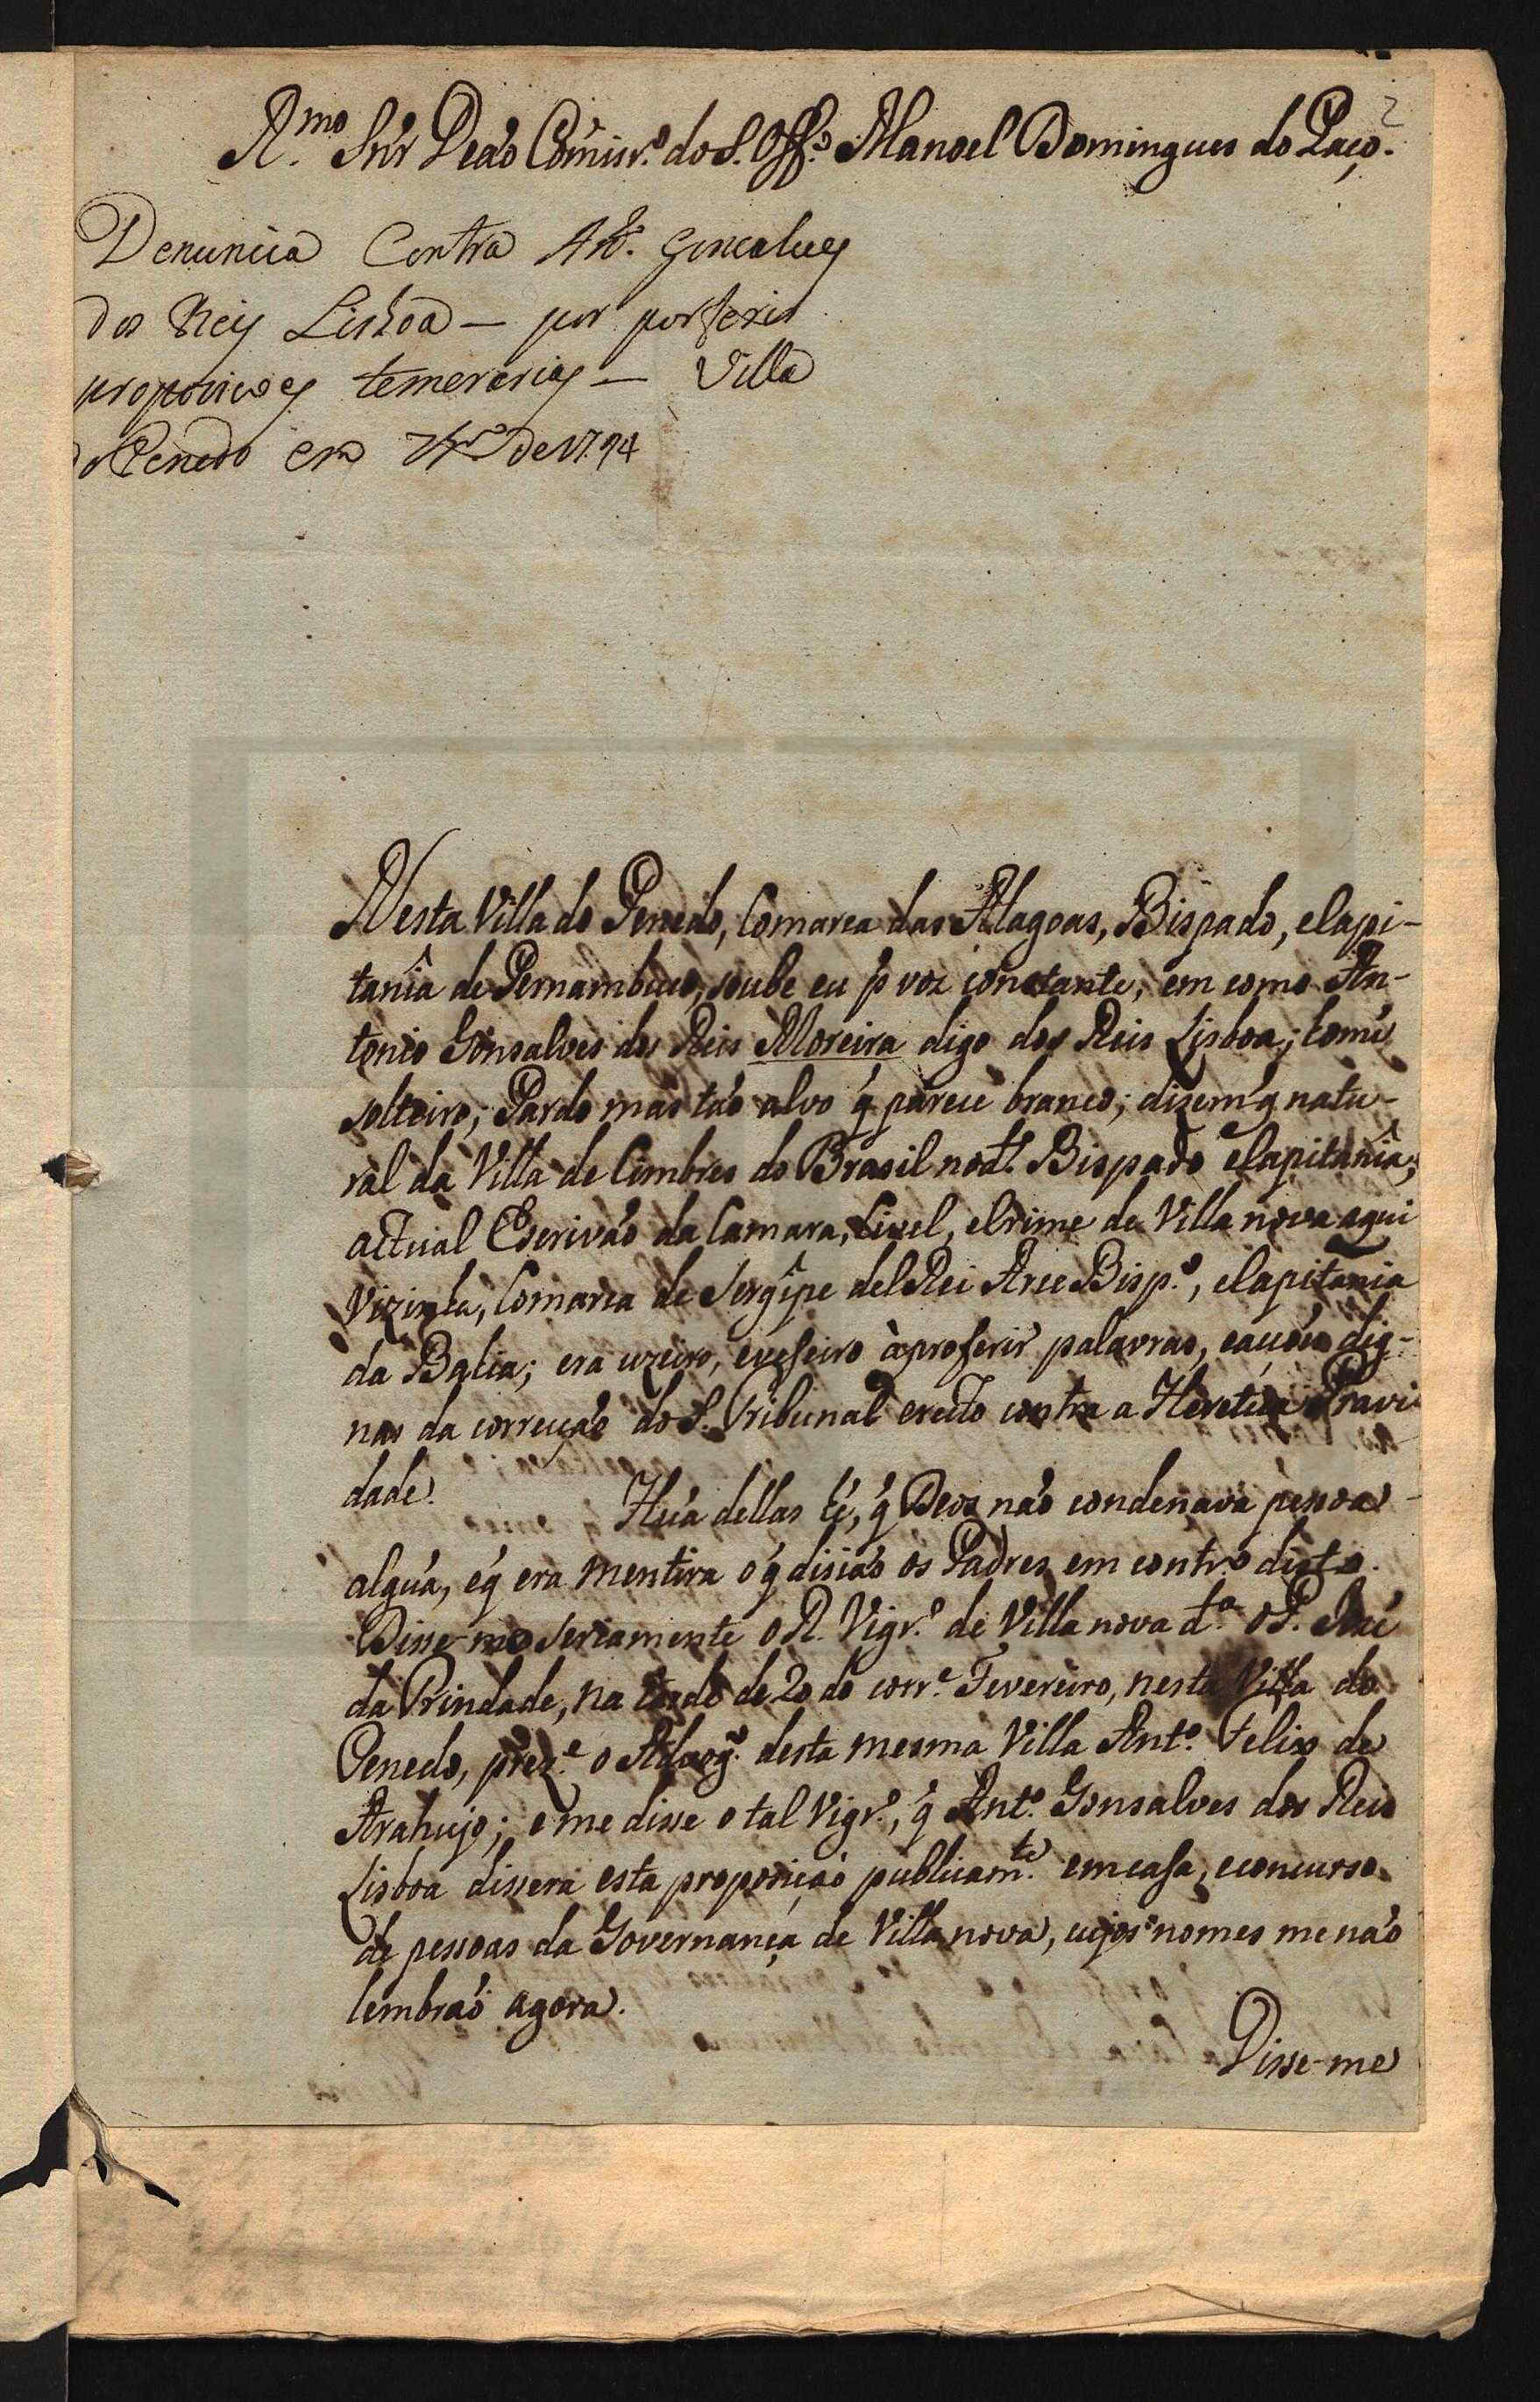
R.mo Sn̄r Deão Com̄isr.o do S. Off.o Manoel Domingues do Paço.
Denuncia Contra An.to goncalues
dos Reis Lisboa- por porferir
propozicoes temerarias- Villa
de Penedo em 7bro de 1794
Nesta Villa do Penedo, Comarca das Alagoas, Bispado, e Capi
tania de Pernambuco, soube eu p̄ voz constante, em como An
tonio Gonsalves dos Reis Moreira digo dos Reis Lisboa, homē
solteiro, Pardo mas taõ alvo q̄ parece branco; dizem q̄ natu
ral da Villa de Cimbres do Brasil no d̄.o Bispado e Capitania,
actual Escrivaõ da Camara, Civel, e Crime de Villa nova aqui
Vizinha, Comarca de Sergipe del Rei ArceBisp.o, e Capitania
da Bahia; era uzeiro, e veseiro à proferir palavras, e acções dig
nas da correcçaõ do S. Tribunal erecto contra a Heretica Pravi
dade.
Hūa dellas hé, q̄ Deos não condenava pessoa
algūa, e q̄ era Mentira o q̄ disião os Padres em contr.o disto.
Disse-mo seriamente o R. Vigr.o de Villa nova d̄.a O P. Iozé
da Trindade, na tarde de 20 do corr.e Fevereiro, nesta Villa do
Penedo, prez.e o Advog.o desta mesma Villa Ant.o Felix de
Arahujo; e me disse o tal Vigr.o, q̄ Ant.o Gonsalves dos Reis
Lisboa dissera esta proposiçaõ publicam.te em casa, e concurso
de pessoas da Governança de Villa nova, cujos nomes me naõ
lembraõ agora.
Disse-me
